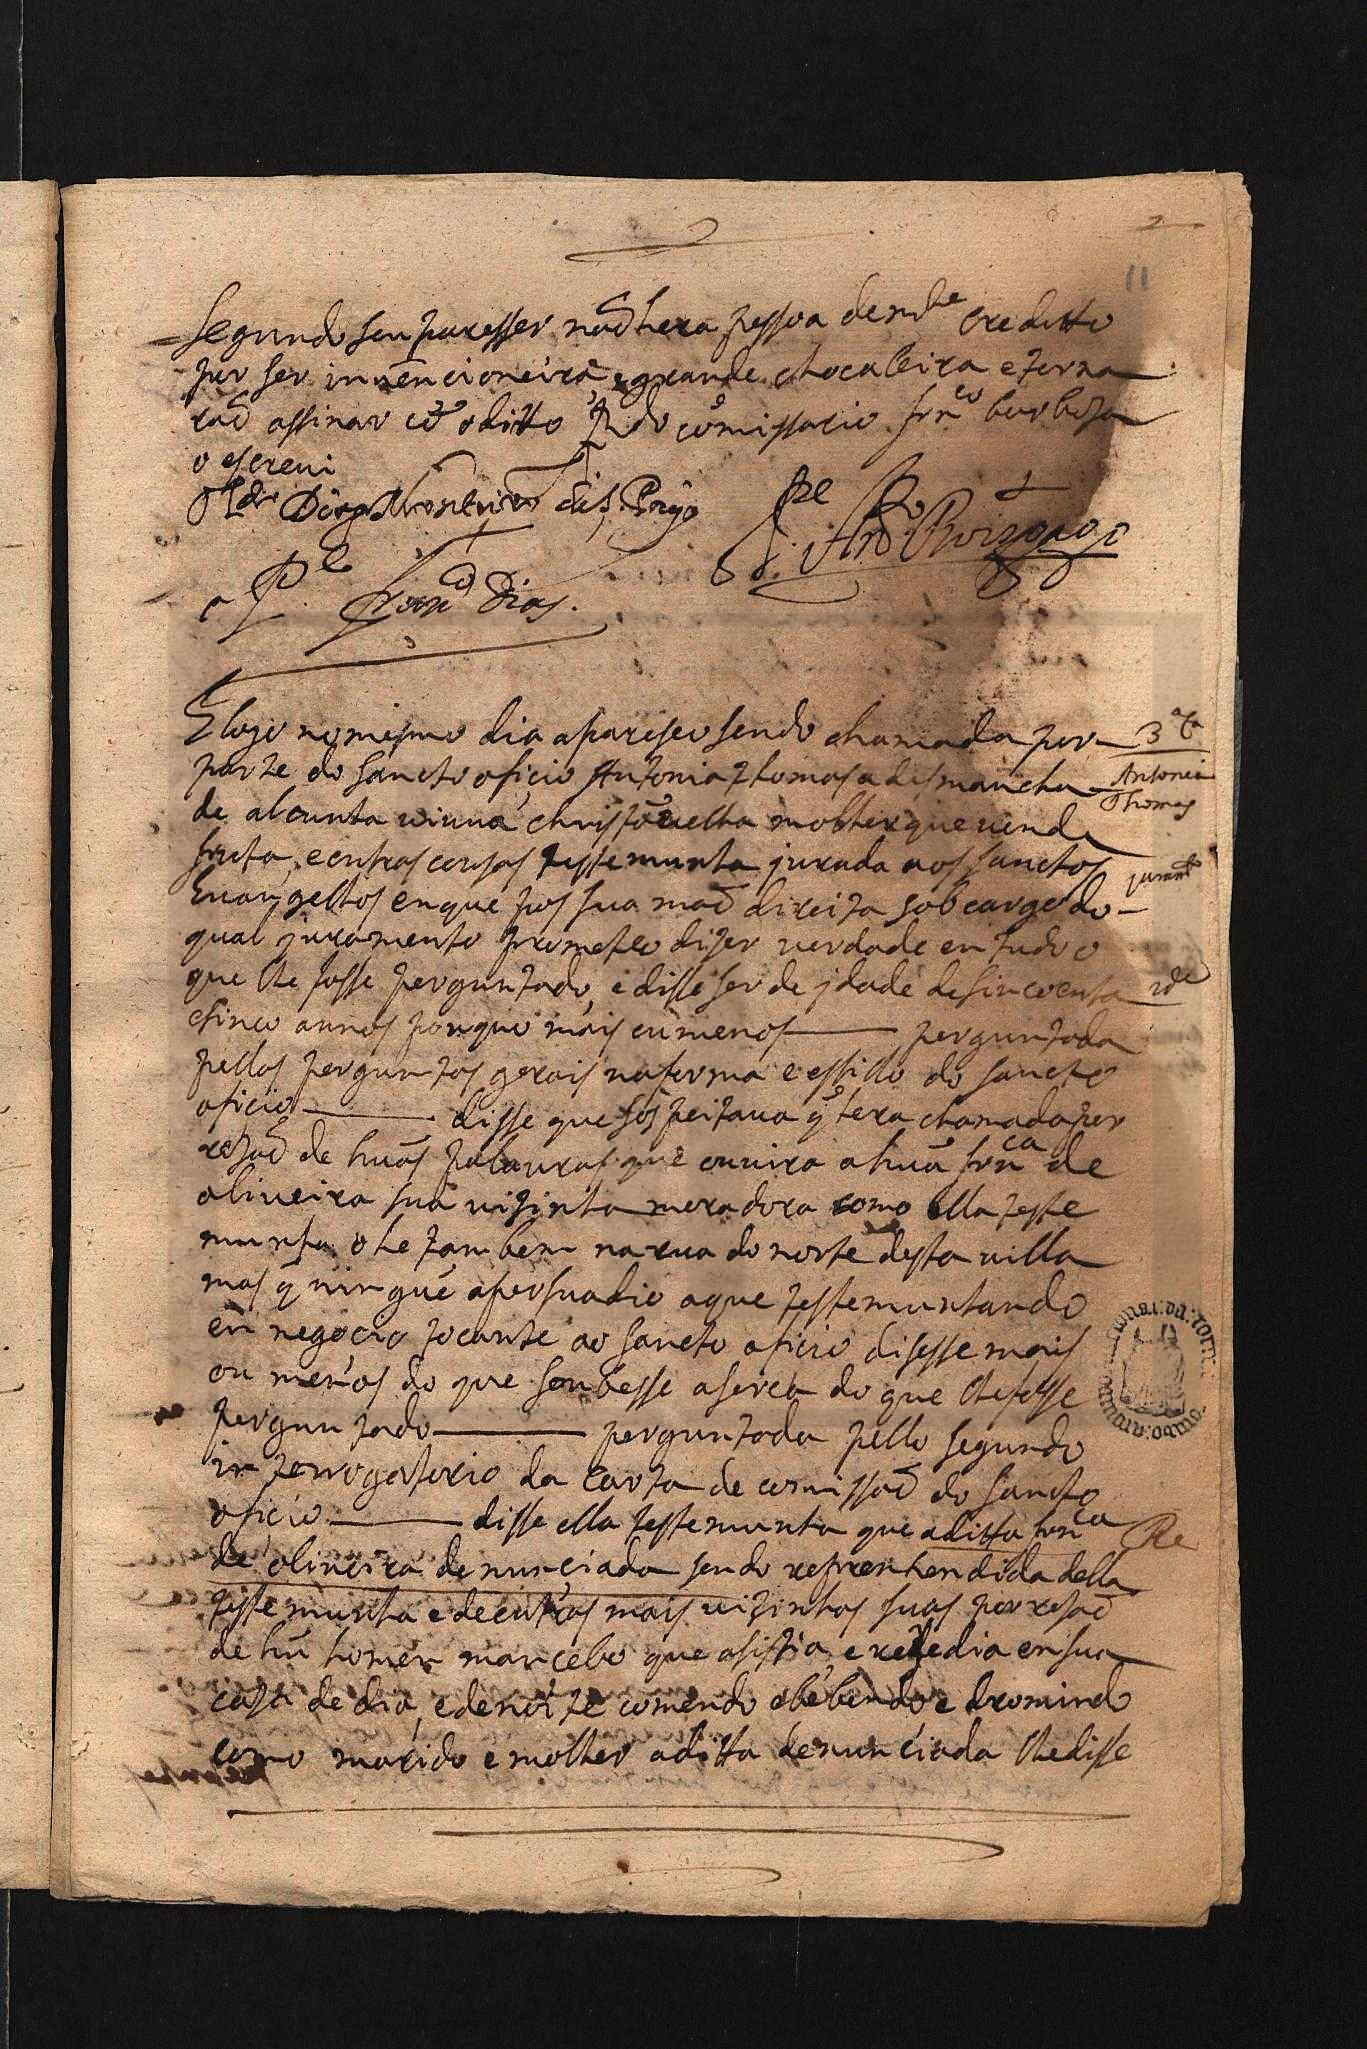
segundo seu paresser naõ hera pessoa de mto creditto
por ser inuēncioneira, e grande chocaleira e torna
raõ assinar cō o ditto Rdo comissario frnco barboza
o escreui
O Ldo Diogo Monteiro de S. Payo
o P.e Anto Roiz gago
o P.e franco dias.
3a ta
E logo no mesmo dia apareseo sendo chamada por
parte do Sancto oficio Antonia Thomas a desmancha
Antonia
Thomas
de alcunha uiuua christã uelha molher que uende
fruta, e outras cousas testemunha jurada aos sanctos
Euangelhos en que pos sua maõ direita sob cargo do
qual juramento prometeo dizer uerdade en tudo o
juramto
ide
que lhe fosse perguntado, e disse ser de jdade de sincoenta
e sinco annos pouquo mais ou menos
perguntada
pellas perguntas gerais na forma e estillo do sancto
oficio
disse que sospeitaua q̄ sera chamada por
rezaõ de huās palauras que ouuira a huā frnca de
oliueira sua uizinha moradora como ella teste
munha o he tambem na rua do norte desta uilla
mas q̄ ninguē a persuadio a que testemunhando
en negocio tocante ao sancto oficio disesse mais
ou menos do que soubesse aserca do que lhe fosse
perguntado
perguntada pello segundo
interrogatorio da carta de comissaõ do sancto
oficio
disse ella testemunha que a ditta frnca
Re
de oliueira denunciada sendo reprenhendida della
testemunha e de outras mais uizinhas suas por resaõ
de hū homem mancebo que asistia, e rezedia em sua
caza de dia, e de noite comendo e bebendo, e dromindo
como marido e molher a ditta denunciada lhe disse
